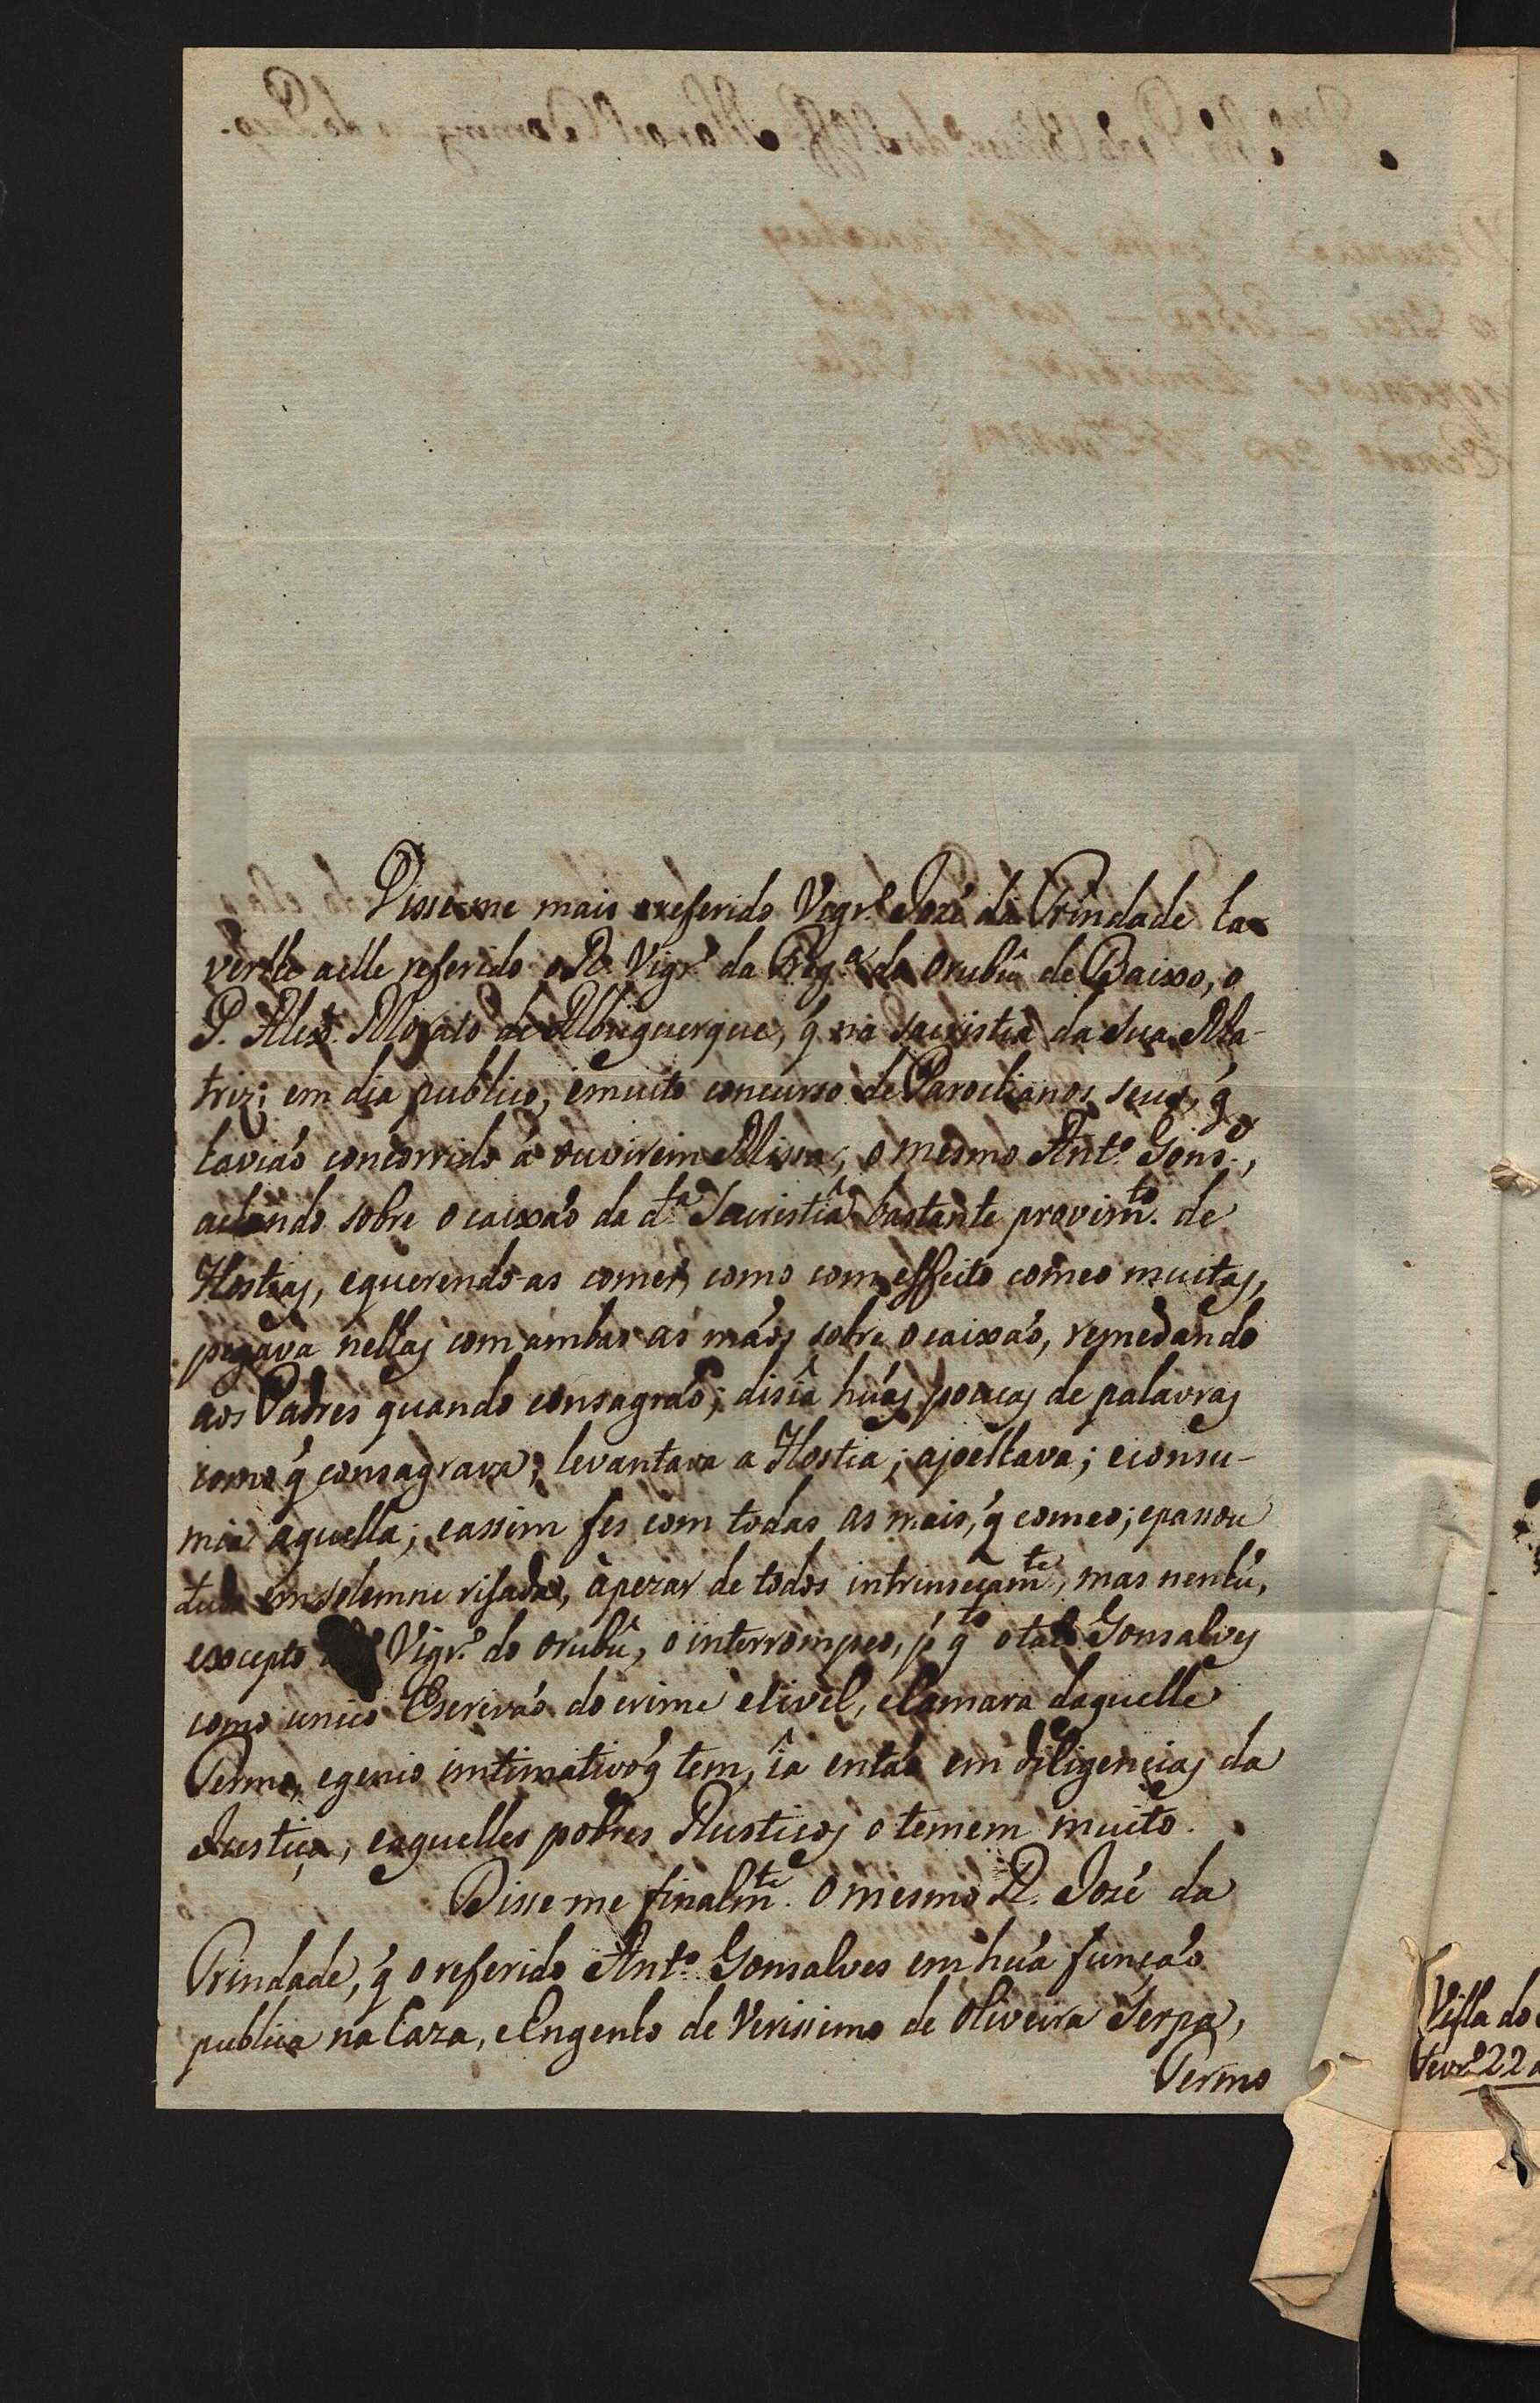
Disse-me mais o referido Vigr.o Iozé da Trindade, ha
verlhe a elle referido o R. Vigr.o da Freg.a de Orubû de Baixo, o
P Alex.e Mo_ato de Albuquerque, q̄ na sacristia da Sua Ma
triz; em dia publico, e muito concurso de Parochianos seus, q̄
haviaõ concorrido á ouvirem Missa; o mesmo Ant.o Gons.e,
achando sobre o caixaõ da d̄a Sacristia bastante provim.to de
Hostias, e querendo-as comer, como com effeito comeo muitas,
pegava nellas com ambas as maõs sobre o caixaõ, remedando
aos Padres quando consagraõ; disia huās poucas de palavras
como q̄ consagrava, levantava a Hostia; ajoellava; e consu
mia aquella; e assim fes com todas as mais, q̄ comeo; e passou
tu_ em solemne risada, àpezar de todos intrinsecam.te, mas nenhū,
excepto _ Vigr. do Orubû, o interrompeo, p̄qto o tal Gonsalves
como unico Escrivaõ do crime, e Civel, e Camara daquelle
Termo, e genio imtimativo q̄ tem, ia entaõ em diligencias da
Justiça, e aquelles pobres Rusticos o temem muito.
Disse me finalm.te o mesmo R. Iozé da
Trindade, q̄ o referido Ant.o Gonsalves em huā funçaõ
publica na Caza, e Engenho de Veressimo de Oliveira Serpa,
Termo
